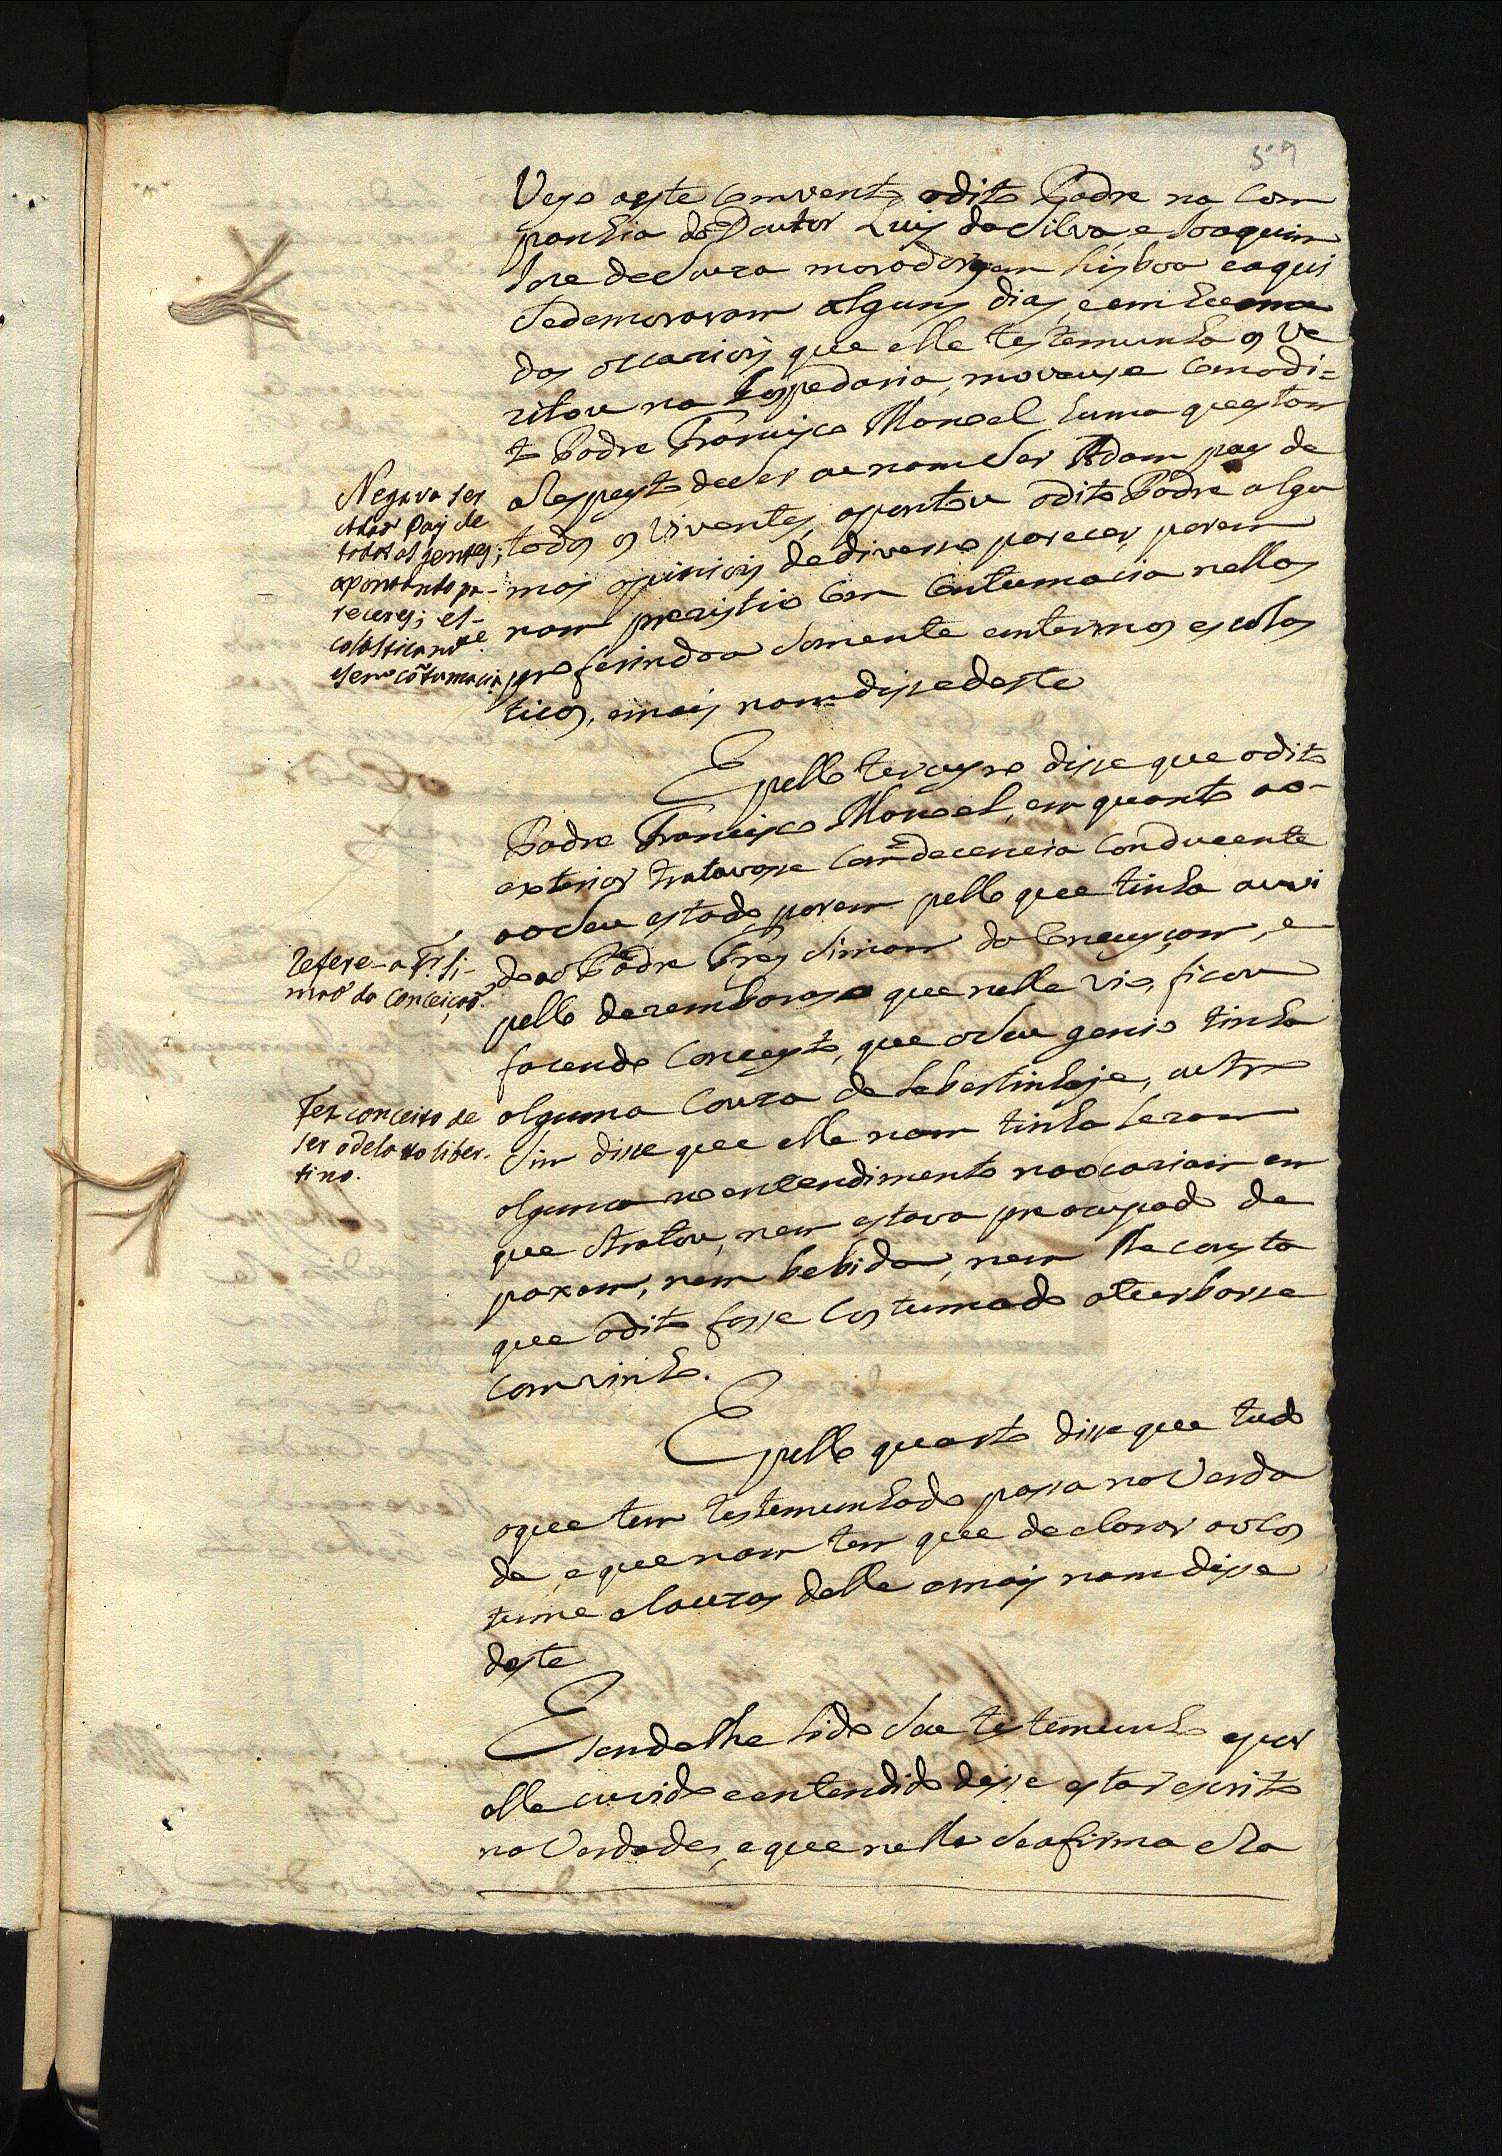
Veyo a este comvento o dito Padre na Com
panhia do Doutor Luis da Silva, e Ioaquim
Ioze de souza moradores em Lisboa e aqui
se demoraram alguns dias e em huma
das occaziois que elle testemunha os ve
zitou na hospedaria, moveuse com o di
to Padre Francisco Manoel huma questam
a Respeyto de ser ou nam Ser Adam pay de
todos os viventes, apontou o dito Padre algu
mas opiniois de diverso parecer, porem
nam prezistio com contumacia nellas
proferindoa somente em termos escolas
ticos, e mais nam disse deste
Negava ser
Adaõ Pay de
todas as gentes;
apontanto pa
receres; es
colasticam.te
e sem cōtumacia
E pello terceyro disse que o dito
Padre Francisco Manoel, emquanto ao
exterior tratavasse Com decencia Conducente
ao seu estado, porem pello que tinha ouvi
do o Padre Frey simon da Conceyçam, e
pello dezembaraso que nelle vio, ficou
fazendo conceyto, que o seu genio tinha
Refere- a Fr. si
maõ da conceiçaõ.
alguma couza de Labertinhaje, outro
Sim disse que elle nam tinha lezam
fez conceito de
ser o delatto liber
tino.
alguma no entendimento na ocaziam em
que o tratou, nem estava preocupado de
paxam, nem bebida, nem lhe consta
que o dito fosse costumado a turbarse
com vinho.
E pello quarto disse que tudo
o que tem testemunhado passa na verda
de, e que nam tem que declarar ao cos
tume e couzas delle e mais nam disse
deste
E sendolhe lido Seu testemunho e por
elle ouvido, e entendido disse estar escrito
na Verdade, e que nella se afirma e Ra
